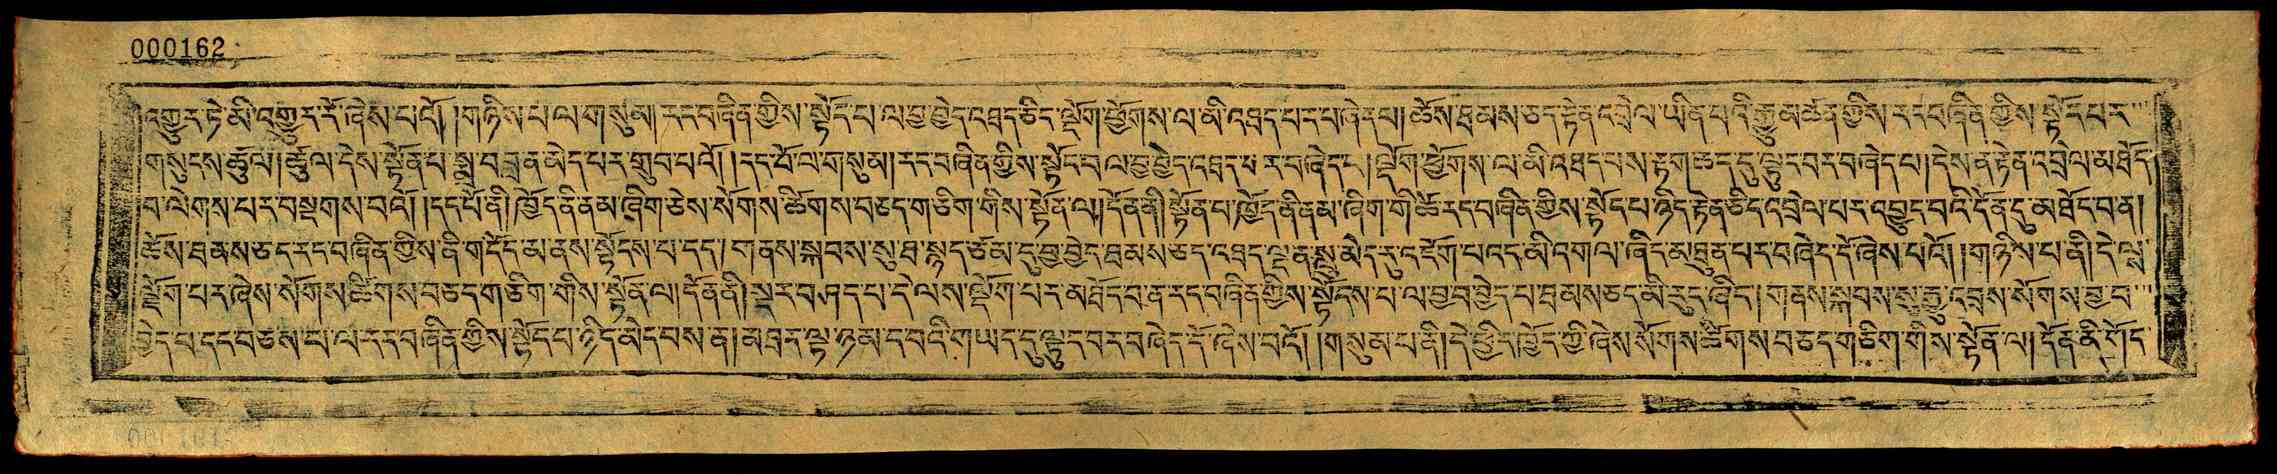འགྱུར་ཏེ་མི་འགྱུར་རོ་ཞེས་པའོ། །གཉིས་པ་ལ་གསུམ། རང་བཞིན་གྱིས་སྟོང་པ་ལ་བྱ་བྱེད་འཐད་ཅིང་ལྡོག་ཕྱོགས་ལ་མི་འཐད་པར་བཞེད་པ། ཆོས་ཐམས་ཅད་རྟེན་འབྲེལ་ཡིན་པའི་རྒྱུ་མཚན་གྱིས་རང་བཞིན་གྱིས་སྟོང་པར་
གསུངས་ཚུལ། ཚུལ་དེས་སྟོན་པ་སྨྲ་བ་བླ་ན་མེད་པར་གྲུབ་པའོ། །དང་པོ་ལ་གསུམ། རང་བཞིན་གྱིས་སྟོང་པ་ལ་བྱ་བྱེད་འཐད་པར་བཞེད་པ། ལྡོག་ཕྱོགས་ལ་མི་འཐད་པས་རྟག་ཆད་དུ་ལྟུང་བར་བཞེད་པ། དེས་ན་རྟེན་འབྲེལ་མཐོང་
བ་ལེགས་པར་བསྔགས་པའོ། །དང་པོ་ནི། ཁྱོད་ནི་ནམ་ཞིག་ཅེས་སོགས་ཚིགས་བཅད་གཅིག་གིས་སྟོན་ལ། དོན་ནི། སྟོན་པ་ཁྱོད་ནི་ནམ་ཞིག་གི་ཚེ་རང་བཞིན་གྱིས་སྟོང་པ་ཉིད་རྟེན་ཅིང་འབྲེལ་པར་འབྱུང་བའི་དོན་དུ་མཐོང་བ་ན།
ཆོས་ཐམས་ཅད་རང་བཞིན་གྱིས་ནི་གདོད་མ་ནས་སྟོངས་པ་དང་། གནས་སྐབས་སུ་ཐ་སྙད་ཙམ་དུ་བྱ་བྱེད་ཐམས་ཅད་འཐད་ལྡན་སླུ་མེད་དུ་འཇོག་པ་འདི་མི་འགལ་ཞིང་མཐུན་པར་བཞེད་དོ་ཞེས་པའོ། །གཉིས་པ་ནི། དེ་ལས་
ལྡོག་པར་ཞེས་སོགས་ཚིགས་བཅད་གཅིག་གིས་སྟོན་ལ། དོན་ནི། སྔར་བཤད་པ་དེ་ལས་ལྡོག་པར་མཐོང་བ་ན་རང་བཞིན་གྱིས་སྟོངས་པ་ལ་བྱ་བ་བྱེད་པ་ཐམས་ཅད་མི་རུང་ཞིང་། གནས་སྐབས་སུ་རྒྱུ་འབྲས་སོགས་བྱ་བ་
བྱེད་པ་དང་བཅས་པ་ལ་རང་བཞིན་གྱིས་སྟོང་པ་ཉིད་མེད་པས་ན། མཐར་ལྟ་ཉམ་ང་བའི་གཡང་དུ་ལྟུང་བར་བཞེད་དོ་ཞེས་པའོ། །གསུམ་པ་ནི། དེ་ཕྱིར་ཁྱོད་ཀྱི་ཞེས་སོགས་ཚིགས་བཅད་གཅིག་གིས་སྟོན་ལ། དོན་ནི། གོང་